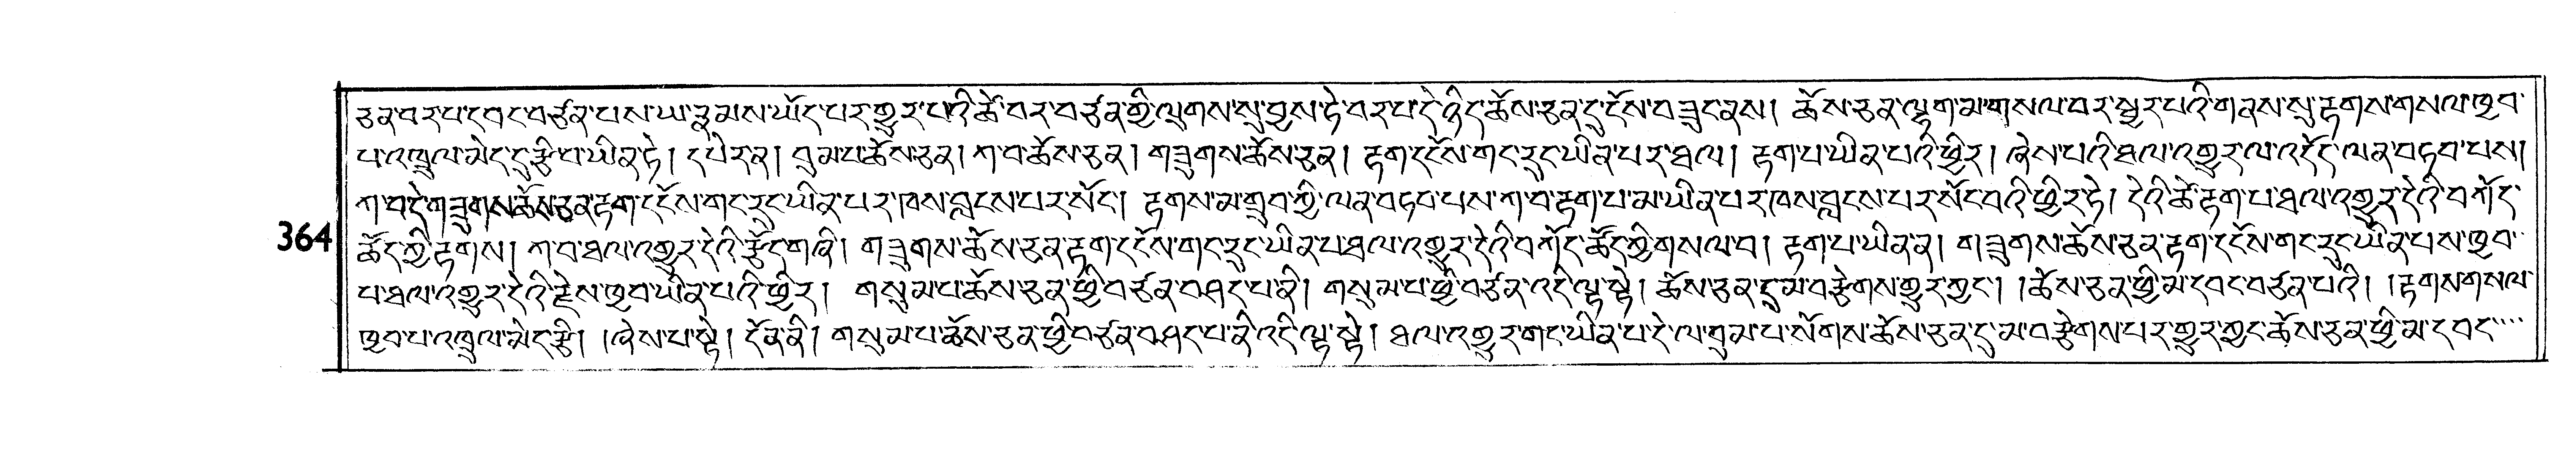ཅན་བར་པ་དབང་བཙན་པས་ཡ་རྣམས་ཡོད་པར་གྱུར་པའི་ཚེ་བར་བཙན་གྱི་ལུགས་སུ་བྱས་ཏེ་བར་པ་དེ་ཉིད་ཆོས་ཅན་དུ་ངོས་བཟུང་ནས། ཆོས་ཅན་ལྷག་མ་གསལ་བར་སྦྱར་བའི་གནས་སུ་རྟགས་གསལ་ཁྱབ་
པ་འཁྲུལ་མེད་དུ་རྩི་བ་ཡིན་ཏེ། དཔེར་ན། བུམ་པ་ཆོས་ཅན། ཀ་བ་ཆོས་ཅན། གཟུགས་ཆོས་ཅན། རྟག་དངོས་གང་རུང་ཡིན་པར་ཐལ། རྟག་པ་ཡིན་པའི་ཕྱིར། ཞེས་པའི་ཐལ་འགྱུར་ལ་འདོད་ལན་བཏབ་པས།
ཀ་བ་དེ་གཟུགས་ཆོས་ཅན་རྟག་དངོས་གང་རུང་ཡིན་པར་ཁས་བླངས་པར་སོང་། རྟགས་མ་གྲུབ་ཀྱི་ལན་བཏབ་པས་ཀ་བ་རྟག་པ་མ་ཡིན་པར་ཁས་བླངས་པར་སོང་བའི་ཕྱིར་ཏེ། དེའི་ཚེ་རྟག་པ་ཐལ་འགྱུར་དེའི་བཀོད་
ཚོད་ཀྱི་རྟགས། ཀ་བ་ཐལ་འགྱུར་དེའི་རྩོད་གཞི། གཟུགས་ཆོས་ཅན་རྟག་དངོས་གང་རུང་ཡིན་པ་ཐལ་འགྱུར་དེའི་བཀོད་ཚོད་ཀྱི་གསལ་བ། རྟག་པ་ཡིན་ན། གཟུགས་ཆོས་ཅན་རྟག་དངོས་གང་རུང་ཡིན་པས་ཁྱབ་
པ་ཐལ་འགྱུར་དེའི་རྗེས་ཁྱབ་ཡིན་པའི་ཕྱིར། གསུམ་པ་ཆོས་ཅན་ཕྱི་བཙན་བཤད་པ་ནི། གསུམ་པ་ཕྱི་བཙན་འདི་ལྟ་སྟེ། ཆོས་ཅན་དུ་མ་བརྩེགས་གྱུར་ཀྱང་། །ཆོས་ཅན་ཕྱི་མ་དབང་བཙན་པའི། །རྟགས་གསལ་
ཁྱབ་པ་འཁྲུལ་མེད་རྩེ། །ཞེས་པ་སྟེ། དོན་ནི། གསུམ་པ་ཆོས་ཅན་ཕྱི་བཙན་བཤད་པ་ནི་འདི་ལྟ་སྟེ། ཐལ་འགྱུར་གང་ཡིན་པ་དེ་ལ་བུམ་པ་སོགས་ཆོས་ཅན་དུ་མ་བརྩེགས་པར་གྱུར་ཀྱང་ཆོས་ཅན་ཕྱི་མ་དབང་